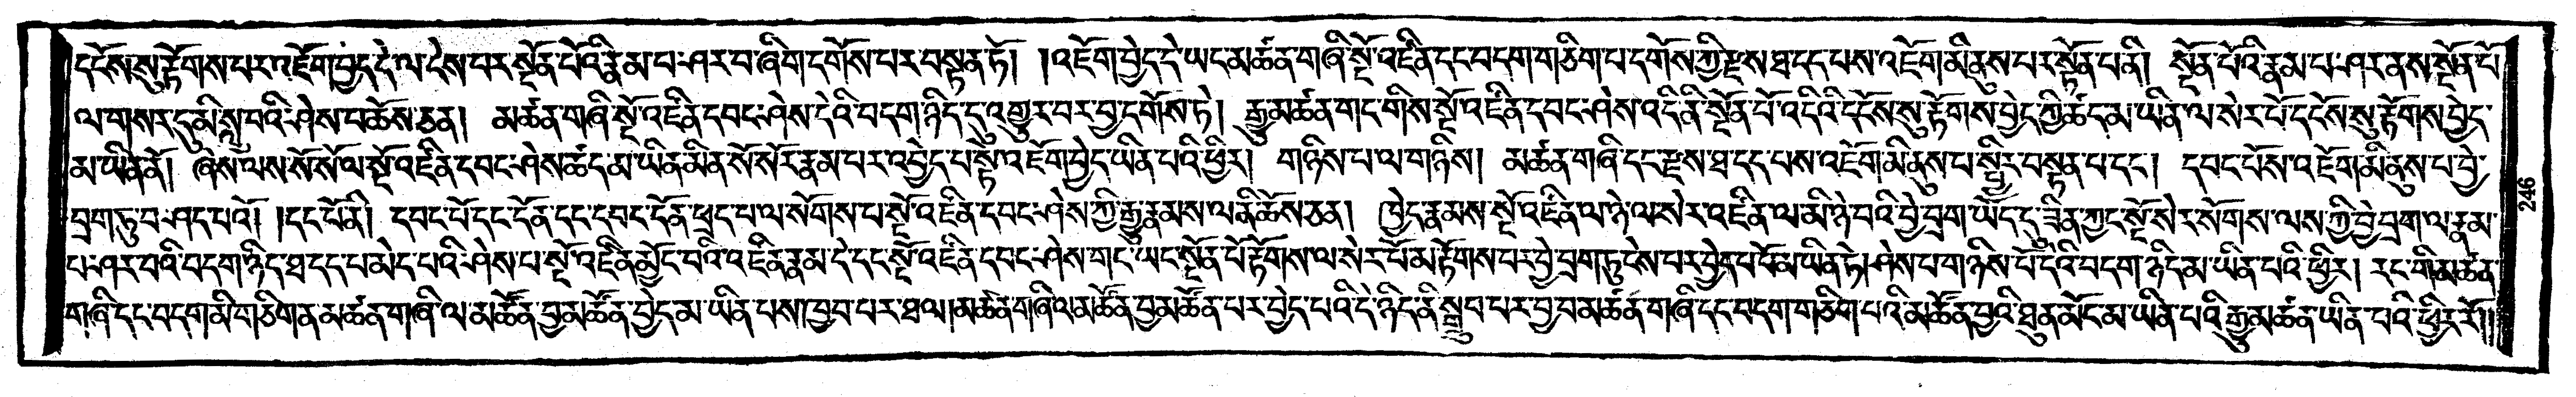དངོས་སུ་རྟོགས་པར་འཇོག་བྱེད་དེ་ལ་ངེས་པར་སྔོན་པོའི་རྣམ་པ་ཤར་བ་ཞིག་དགོས་པར་བསྟན་ཏོ། །འཇོག་བྱེད་དེ་ཡང་མཚན་གཞི་སྔོ་འཛིན་དང་བདག་གཅིག་པ་དགོས་ཀྱི་རྫས་ཐ་དད་པས་འཇོག་མི་ནུས་པར་སྟོན་པ་ནི། སྔོན་པོའི་རྣམ་པ་ཤར་ནས་སྔོན་པོ་
ལ་གསར་དུ་མི་སླུ་བའི་ཤེས་པ་ཆོས་ཅན། མཚན་གཞི་སྔོ་འཛིན་དབང་ཤེས་དེའི་བདག་ཉིད་དུ་འགྱུར་བར་བྱ་དགོས་ཏེ། རྒྱུ་མཚན་གང་གིས་སྔོ་འཛིན་དབང་ཤེས་འདི་ནི་སྔོན་པོ་འདིའི་དངོས་སུ་རྟོགས་བྱེད་ཀྱི་ཚད་མ་ཡིན་ལ་སེར་པོ་དངོས་སུ་རྟོགས་བྱེད་
མ་ཡིན་ནོ། ཞེས་ལས་སོ་སོ་ལ་སྔོ་འཛིན་དབང་ཤེས་ཚད་མ་ཡིན་མིན་སོ་སོར་རྣམ་པར་འབྱེད་པ་སྟེ་འཇོག་བྱེད་ཡིན་པའི་ཕྱིར། གཉིས་པ་ལ་གཉིས། མཚན་གཞི་དང་རྫས་ཐ་དད་པས་འཇོག་མི་ནུས་པ་སྤྱིར་བསྟན་པ་དང་། དབང་པོས་འཇོག་མི་ནུས་པ་བྱེ་
བྲག་ཏུ་བཤད་པའོ། །དང་པོ་ནི། དབང་པོ་དང་དོན་དང་དབང་དོན་ཕྲད་པ་ལ་སོགས་པ་སྔོ་འཛིན་དབང་ཤེས་ཀྱི་རྒྱུ་རྣམས་ལ་ནི་ཆོས་ཅན། ཁྱེད་རྣམས་སྔོ་འཛིན་ལ་ཉེ་ལ་སེར་འཛིན་ལ་མི་ཉེ་བའི་བྱེ་བྲག་ཡོད་དུ་ཟིན་ཀྱང་སྔོ་སེར་སོགས་ལས་ཀྱི་བྱེ་བྲག་ལ་རྣམ་
པ་ཤར་བའི་བདག་ཉིད་ཐ་དད་པ་མེད་པའི་ཤེས་པ་སྔོ་འཛིན་མྱོང་བའི་འཛིན་རྣམ་དེ་དང་སྔོ་འཛིན་དབང་ཤེས་གང་ཡང་སྔོན་པོ་རྟོགས་ལ་སེར་པོ་མ་རྟོགས་པར་བྱེ་བྲག་ཏུ་ངེས་པར་བྱེད་པ་པོ་མ་ཡིན་ཏེ། ཤེས་པ་གཉིས་པོ་དེའི་བདག་ཉིད་མ་ཡིན་པའི་ཕྱིར། རང་གི་མཚན་
གཞི་དང་བདག་མི་གཅིག་ན་མཚན་གཞི་ལ་མཚོན་བྱ་མཚོན་བྱེད་མ་ཡིན་པས་ཁྱབ་པར་ཐལ། མཚན་གཞི་ལ་མཚོན་བྱ་མཚོན་པར་བྱེད་པའི་དེ་ཉིད་ནི་སྒྲུབ་པར་བྱ་བ་མཚན་གཞི་དང་བདག་གཅིག་པའི་མཚོན་བྱའི་ཐུན་མོང་མ་ཡིན་པའི་རྒྱུ་མཚན་ཡིན་པའི་ཕྱིར་རོ།།